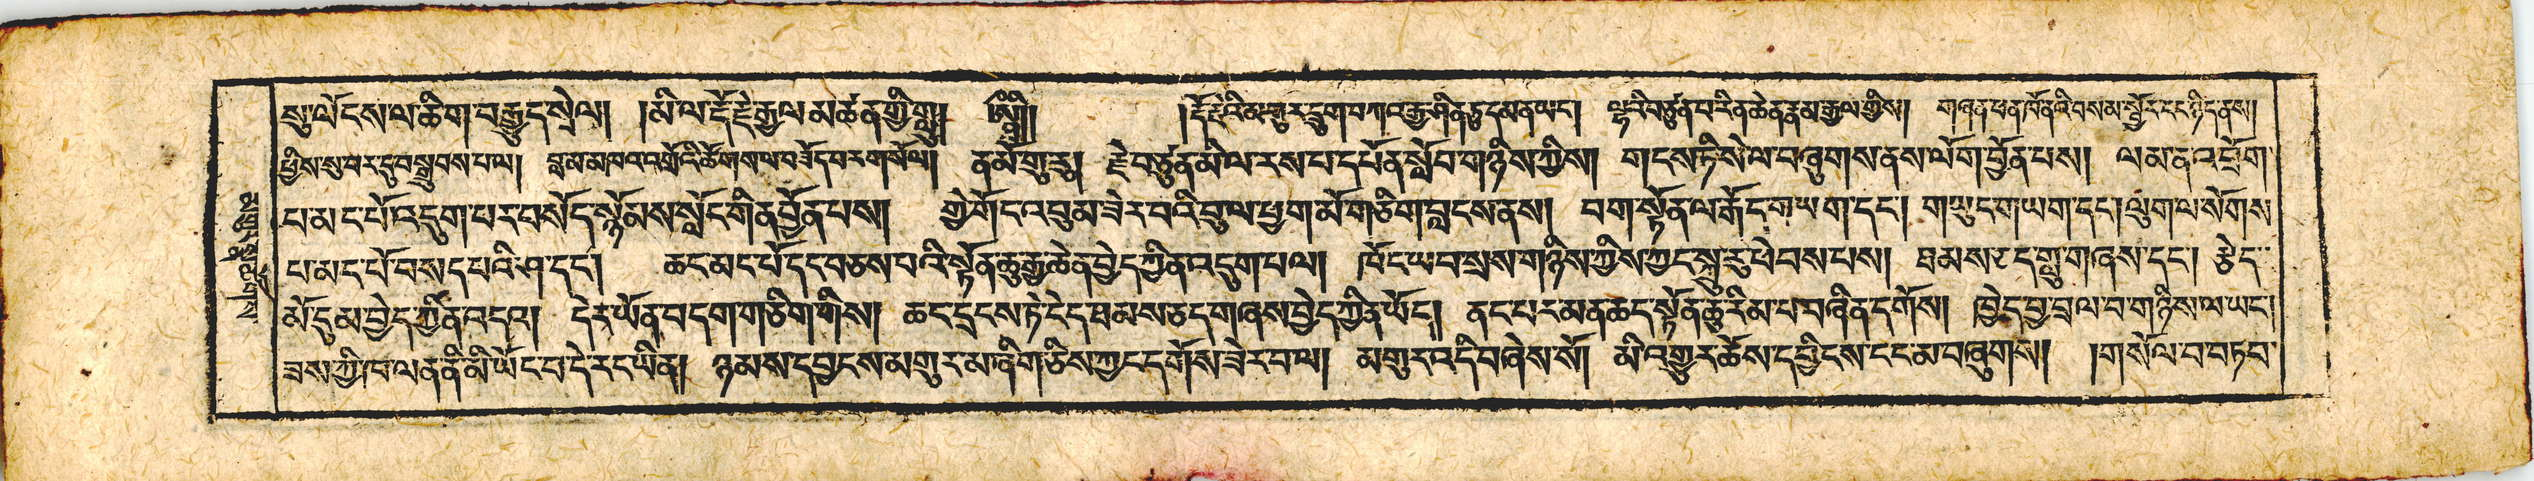སུ་ལོངས་ལ་ཆིག་བརྒྱུད་སྤེལ། །མི་ལ་རྡོ་རྗེ་རྒྱལ་མཚན་གྱི་གླུ། ཨྠི། ། ༼རྡོ་རྗེའི་མགུར་དྲུག་བཀའ་རྒྱ་ཤིན་ཏུ་དམན་ཡང་། ལྷ་རི་བཙུན་པ་རིན་ཆེན་རྣམ་རྒྱལ་གྱིས། གཞན་ཕན་ཁོ་ནའི་བསམ་སྦྱོར་ངང་ཉིད་ནས། །
ཕྱིས་སུ་པར་དུབསྒྲུབས་པ་ལ། བླ་མ་མཁའ་འགྲོའི་ཚོགས་ལ་བཟོད་པར་གསོལ།༽ན་མོ་གུ་རུ། རྗེ་བཙུན་མི་ལ་རས་པ་དཔོན་སློབ་གཉིས་ཀྱིས། གངས་ཏི་སེ་ལ་བཞུགས་ནས་ལོག་བྱོན་པས། ལམ་ན་འབྲོག་
པ་མང་པོ་འདུག་པར་བསོད་སྙོམས་སློང་གིན་བྱོན་པས། གྱེ་གོང་འབུམ་ཟེར་བའི་བུ་ལ་ཕྱག་མོ་གཅིག་བླངས་ནས། བག་སྟོན་ལ་རྒོད་གཡག་དང་། གཡུང་ཡག་དང་། ལུག་ལ་སོགས་
པ་མང་པོ་བསདཔའི་ཤ་དང་། ཆང་མང་པོ་དང་བཅས་པའི་སྟོན་ཆུ་རྒྱ་ཆེན་བྱེདཀྱིན་འདུག་པ་ལ། ཁོང་ཡབ་སྲས་གཉིས་ཀྱིས་ཀྱང་སྐྲུ་རུ་ཕེབས་པས། ཐམས་ཅད་གླུ་གཞས་དང་། རྩེད་
མོ་དུམ་བྱེད་ཀྱིན་འདའ། དེར་ཡོན་བདག་གཅིག་གིས། ཆང་དྲངས་ཏེ་ངེད་ཐམས་ཅད་གཞས་བྱེད་ཀྱིན་ཡོད། ནང་པར་མན་ཆད་སྟོན་ཆུ་རིམ་པ་བཞིན་དགོས། ཁྱེད་བྱ་བྲལ་བ་གཉིས་ལ་ཡང་།
ཟས་ཀྱི་ཁ་ལན་ནི་མི་ཡོང་བ་དེ་རང་ཡིན། ཉམས་དབྱངས་མགུར་མ་ཞིག་ཅིས་ཀྱང་དགོས་ཟེར་བ་ལ། མགུར་འདི་བཞེས་སོ། མི་འགྱུར་ཆོས་དབྱིངས་ངང་མ་བཞུགས། །གསོལ་བ་བཏབ་